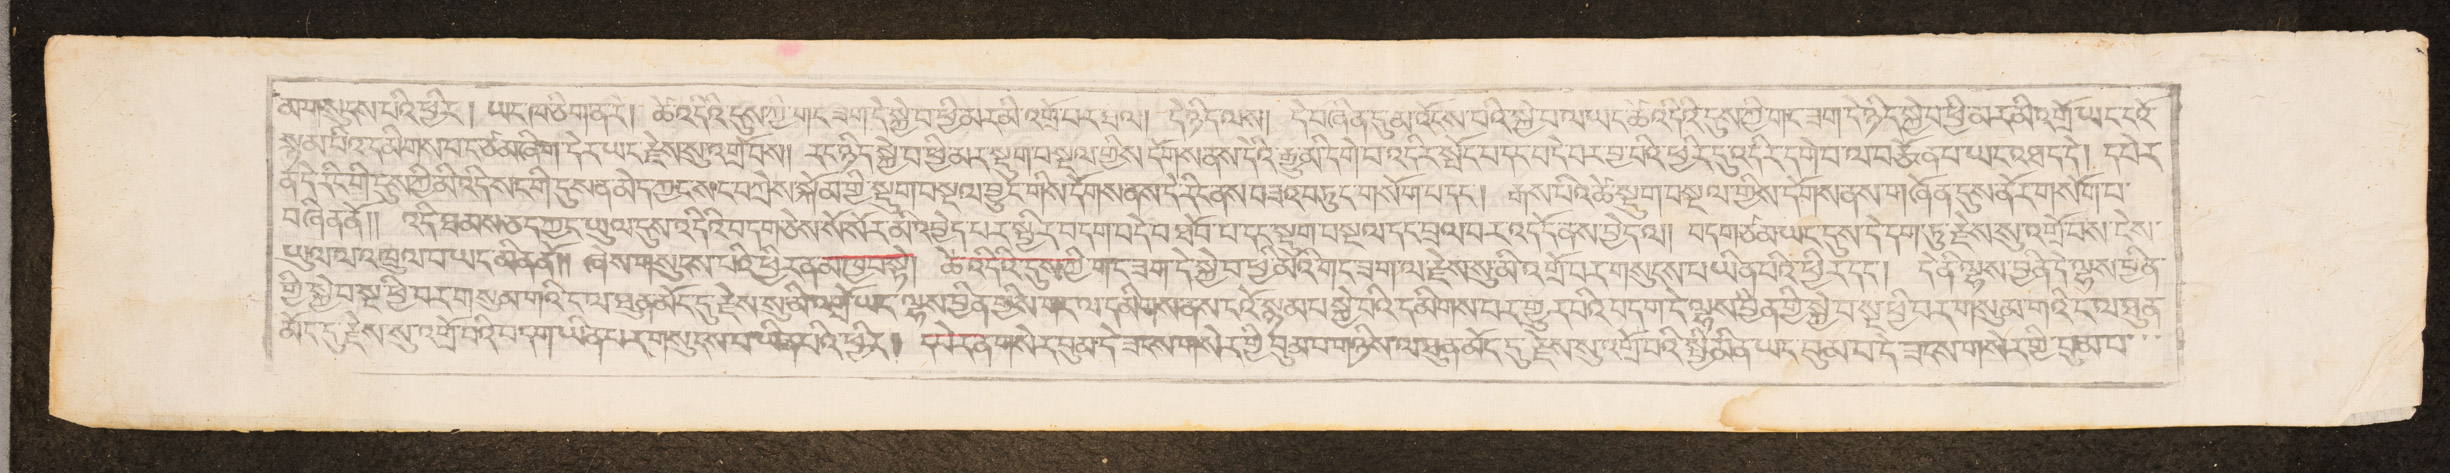མ་གསུངས་པའི་ཕྱིར། ཡང་ཁ་ཅིག་ན་རེ། ཚེ་འདིའི་དུས་ཀྱི་གང་ཟག་དེ་སྐྱེ་བ་ཕྱིར་མར་མི་འགྲོ་བར་ཐལ། དེ་ཉིད་ལས། དེ་བཞིན་དུ་མ་འོངས་པའི་སྐྱེ་བ་ལ་ཡང་ཚེ་འདིའི་དུས་ཀྱི་གང་ཟག་དེ་ཉིད་སྐྱེ་བ་ཕྱི་མར་མི་འགྲོ་ཡང་ངའོ་
སྙམ་པའི་དམིགས་པ་ང་ཙམ་ཞིག་དེར་ཡང་རྗེས་སུ་འགྲོ་བས། རང་ཉིད་སྐྱེད་བ་ཕྱི་མར་སྡུག་བསྔལ་གྱིས་དོགས་ནས་དེའི་རྒྱུ་མི་དགེ་བ་འདི་སྤོང་བ་དང་བར་བྱ་བའི་ཕྱིར་དུ་འདིར་དགེ་བ་ལ་བརྩོན་པ་ཡང་འཐད་དེ། དཔེར་
ན་དེ་རིང་དུས་ཀྱི་མི་འདི་སང་གི་དུས་ན་མེད་ཀྱང་སང་བཀྲེས་སྐོམ་གྱི་སྡུག་བསྔལ་བྱུང་གིས་དོགས་ནས་དེ་རིང་ནས་བཟའ་བཏུང་གསོག་པ་དང་། རྒས་པའི་ཚེ་སྡུག་བསྔལ་གྱིས་དོགས་ནས་གཞོན་དུས་ནོར་གསོག་པ་
བཞིན་ནོ། །འདི་ཐམས་ཅད་ཀྱང་ཡུལ་དུས་འདིའི་བདག་ཅེས་སོ་སོར་མི་འབྱེད་པར་སྦྱིར་བདག་པ་དེ་བ་ཐོབ་པ་དང་སྡུག་བསྔལ་དང་བྲལ་བར་འདོད་ནས་བྱེད་ལ། བདག་ཙམ་ཡང་དུས་དེ་དག་ཏུ་རྗེས་སུ་འགྲོ་བས་ངེས་
ཡུལ་ལ་འཁྲུལ་བ་ཡང་མིན་ནོ། །ཞེས་གསུངས་པའི་ཕྱིར་ན་མ་ཁྱབ་སྟེ། ཚེ་འདིའི་དུས་ཀྱི་གང་ཟག་དེ་སྐྱེ་བ་ཕྱི་མའི་གང་ཟག་ལ་རྗེས་སུ་འགྲོ་བར་གསུངས་པ་ཡིན་པའི་ཕྱིར་དང་། དེ་ནི་ལྷས་བྱིན་དེ་ལྷས་བྱིན་
གྱི་སྐྱེ་བ་སྔ་ཕྱི་བར་གསུམ་གའི་ང་ལ་ཐུན་མོང་དུ་རྗེས་སུ་མི་འགྲོ་ཡང་ལྷས་བྱིན་གྱིས་གང་ལ་དམིགས་ནས་ངའོ་སྙམ་པ་སྐྱེ་བའི་དམིགས་པར་གྱུར་བའི་བདག་དེ་ལྷས་བྱིན་གྱི་སྐྱེ་བ་སྔ་ཕྱི་བར་གསུམ་གའི་ང་ལ་ཐུན་
མོང་དུ་རྗེས་སུ་འགྲོ་བའི་བདག་ཡིན་པར་གསུངས་པ་ཡིན་པའི་ཕྱིར། དཔེར་ན་གསེར་བུམ་དེ་ཟངས་གསེར་གྱི་བུམ་པ་གཉིས་ལ་ཐུན་མོང་དུ་རྗེས་སུ་འགྲོ་བའི་སྤྱི་མིན་ཡང་བུམ་པ་དེ་ཟངས་གསེར་གྱི་བུམ་པ་